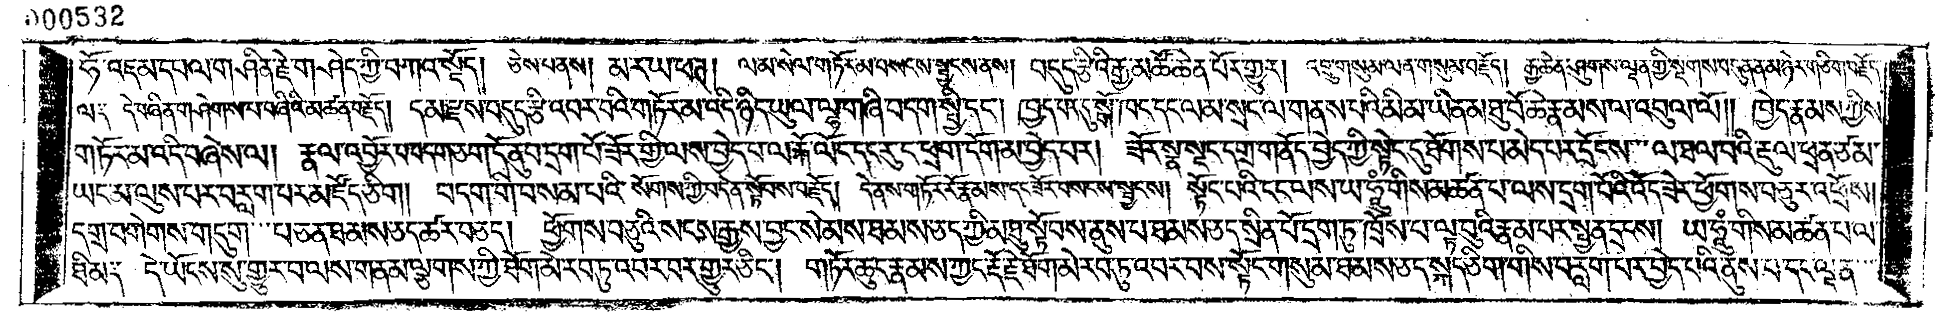ཧོ་འཇམ་དཔལ་གཤིན་རྗེ་གཤེད་ཀྱི་བཀའ་སྡོད། ཅེས་པ་ནས།  མ་ར་ཡ་ཕཊ། ལམ་སེལ་གཏོར་མ་བསངས་སྦྱངས་ནས།  བདུད་རྩིའི་རྒྱ་མཚོ་ཆེན་པོར་གྱུར། འབྲུ་གསུམ་ལན་གསུམ་བརྗོད། རྒྱ་ཆེན་ཤུགས་ལྡན་གྱི་སྔགས་བདུན་ནམ་ཉེར་གཅིག་བརྗོད་
ལ༑ དེ་བཞིན་གཤེགས་པ་བཞིའི་མཚན་བརྗོད། དམ་རྫས་བདུད་རྩི་འབར་བའི་གཏོར་མ་འདི་ཉིད་ཡུལ་ལྷ་གཞི་བདག་སྤྱི་དང་། ཁྱད་པར་དུ་སྒོ་ཁང་དང་ལམ་སྲང་ལ་གནས་པའི་མི་མ་ཡིན་མཐུ་བོ་ཆེ་རྣམས་ལ་འབུལ་ལོ།། ཁྱེད་རྣམས་ཀྱིས་
གཏོར་མ་འདི་བཞེས་ལ། རྣལ་འབྱོར་པ་བདག་ཅག་དོ་ནུབ་དྲག་པོ་ཟོར་གྱི་ལས་བྱེད་པ་ལ་རྐོ་ལོང་དང་རུ་ང་ཕྲག་དོག་མ་བྱེད་པར། ཟོར་སྣ་སྡང་དགྲ་གནོད་བྱེད་ཀྱི་སྟེང་དུ་ཐོགས་པ་མེད་པར་གདྲོངས་ལ་ཐལ་བའི་རྡུལ་ཕྲན་ཙམ་
ཡང་མ་ལུས་པར་བརླག་པར་མཛོད་ཅིག །བདག་གི་བསམ་པའི་སོགས་ཀྱི་བདེན་སྟོབས་བརྗོད། དེ་ནས་གཏོར་རོ་རྣམས་དང་ཟོར་བསངས་སྦྱངས།  སྟོང་པའི་ངང་ལས་ཡ་ཧཱུཾ་གིས་མཚན་པ་ལས་དྲག་པོའི་འོད་ཟེར་ཕྱོགས་བཅུར་འཕྲོས།
དགྲ་བགེགས་གདུག་པ་ཅན་ཐམས་ཅད་ཚར་བཅད། ཕྱོགས་བཅུའི་སངས་རྒྱས་བྱང་སེམས་ཐམས་ཅད་ཀྱི་མཐུ་སྟོབས་ནུས་པ་ཐམས་ཅད་སྲིན་པོ་དྲག་ཏུ་ཁྲོས་པ་ལྟ་བུའི་རྣམ་པར་སྤྱན་དྲངས། ཡ་ཧཱུཾ་གིས་མཚན་པ་ལ་
ཐིམ༑ དེ་ཡོངས་སུ་གྱུར་པ་ལས་གནམ་ལྕགས་ཀྱི་ཐོག་མེ་རབ་ཏུ་འབར་བར་གྱུར་ཅིང་། གཏོར་ཆུང་རྣམས་ཀྱང་རྡོ་རྗེ་ཐོག་མེ་རབ་ཏུ་འབར་བས་སྟོང་གསུམ་ཐམས་ཅད་སྐད་ཅིག་གིས་བརླག་པར་བྱེད་པའི་ནུས་པ་དང་ལྡན་